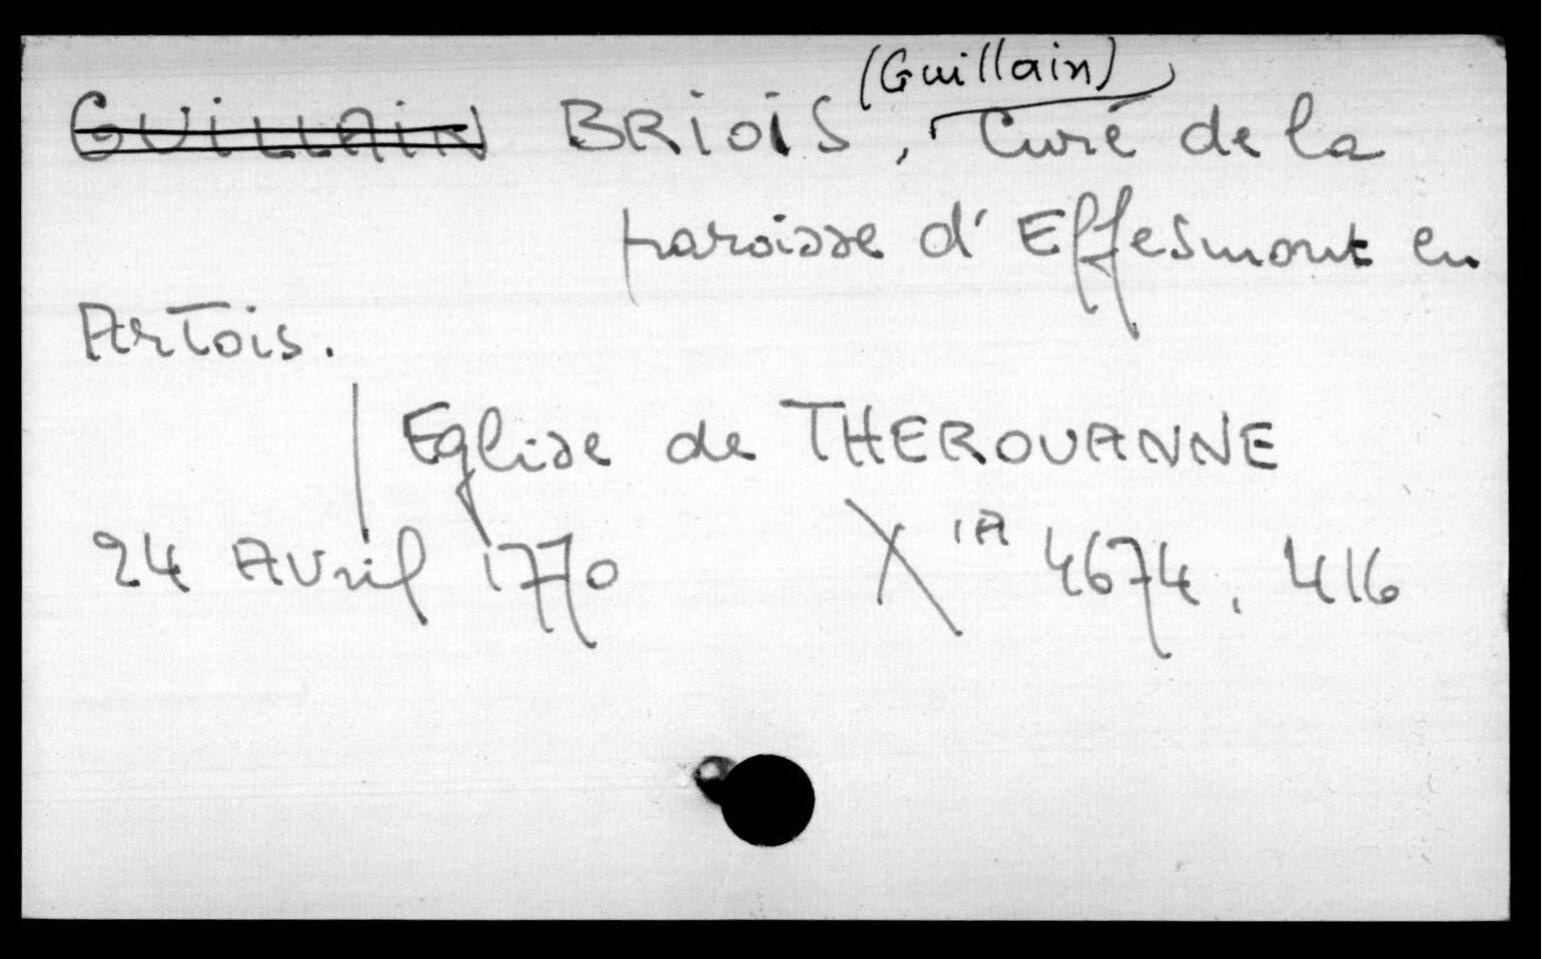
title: BRIOIS (Guillain) curé de la paroisse d'Effesmont en Artois.
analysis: Contre Eglise de THEROUANNE
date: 24 avril 1770
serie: X1A
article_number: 4674
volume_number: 416
